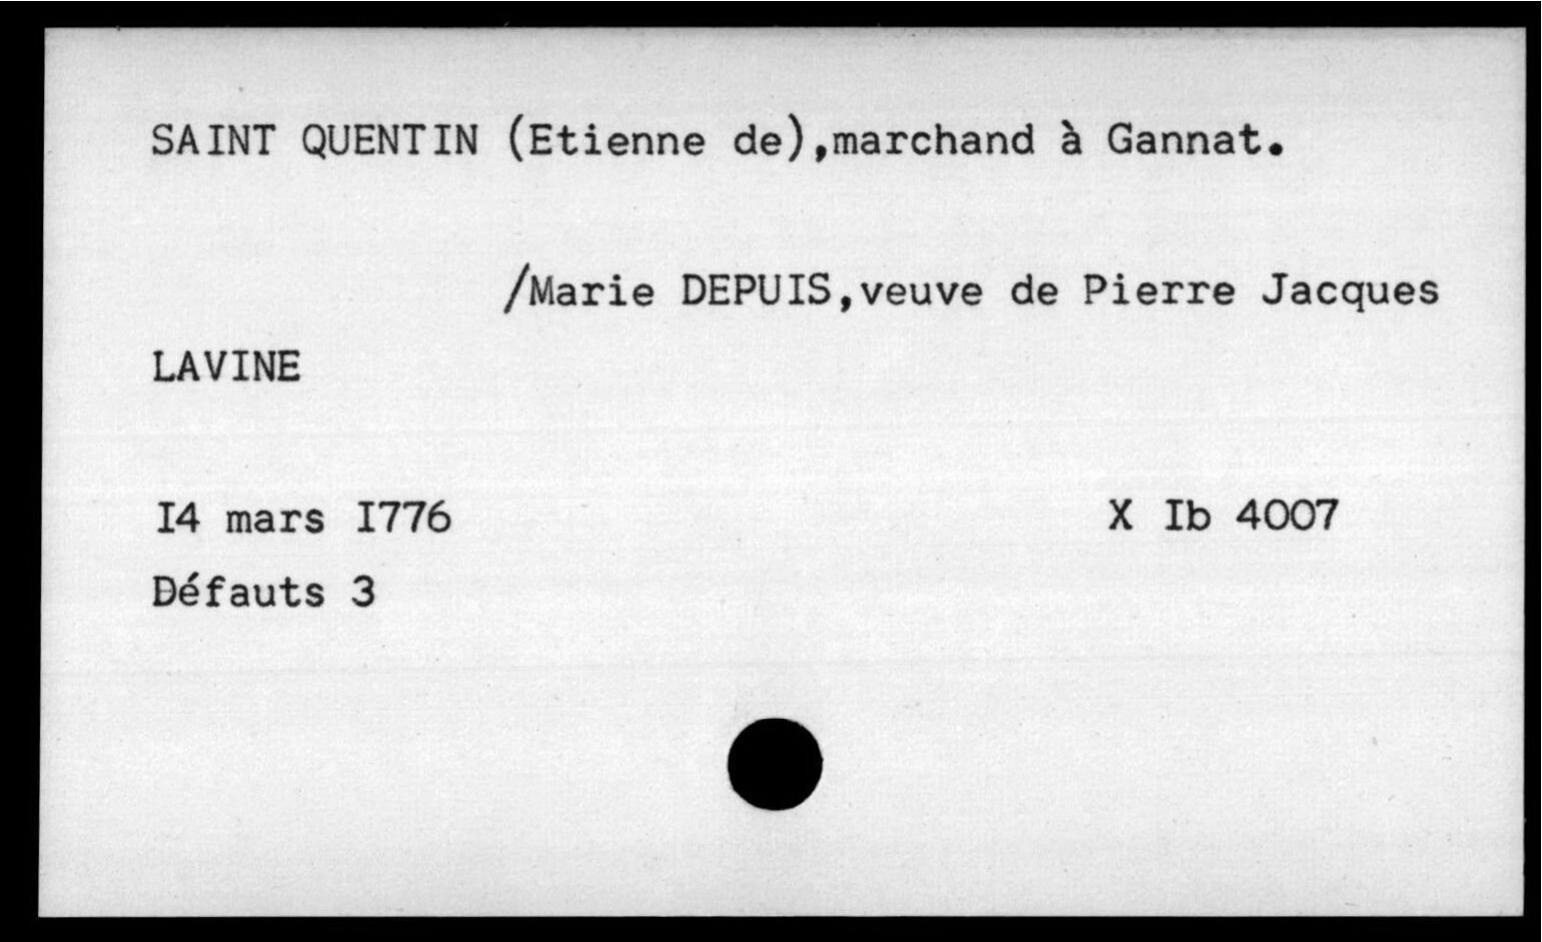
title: SAINT QUENTIN (Etienne de), marchand à Gannat
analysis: Contre Marie DEPUIS, veuve de Pierre Jacques LAVINE
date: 14 mars 1776
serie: X1b
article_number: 4007
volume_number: Défauts, 3
